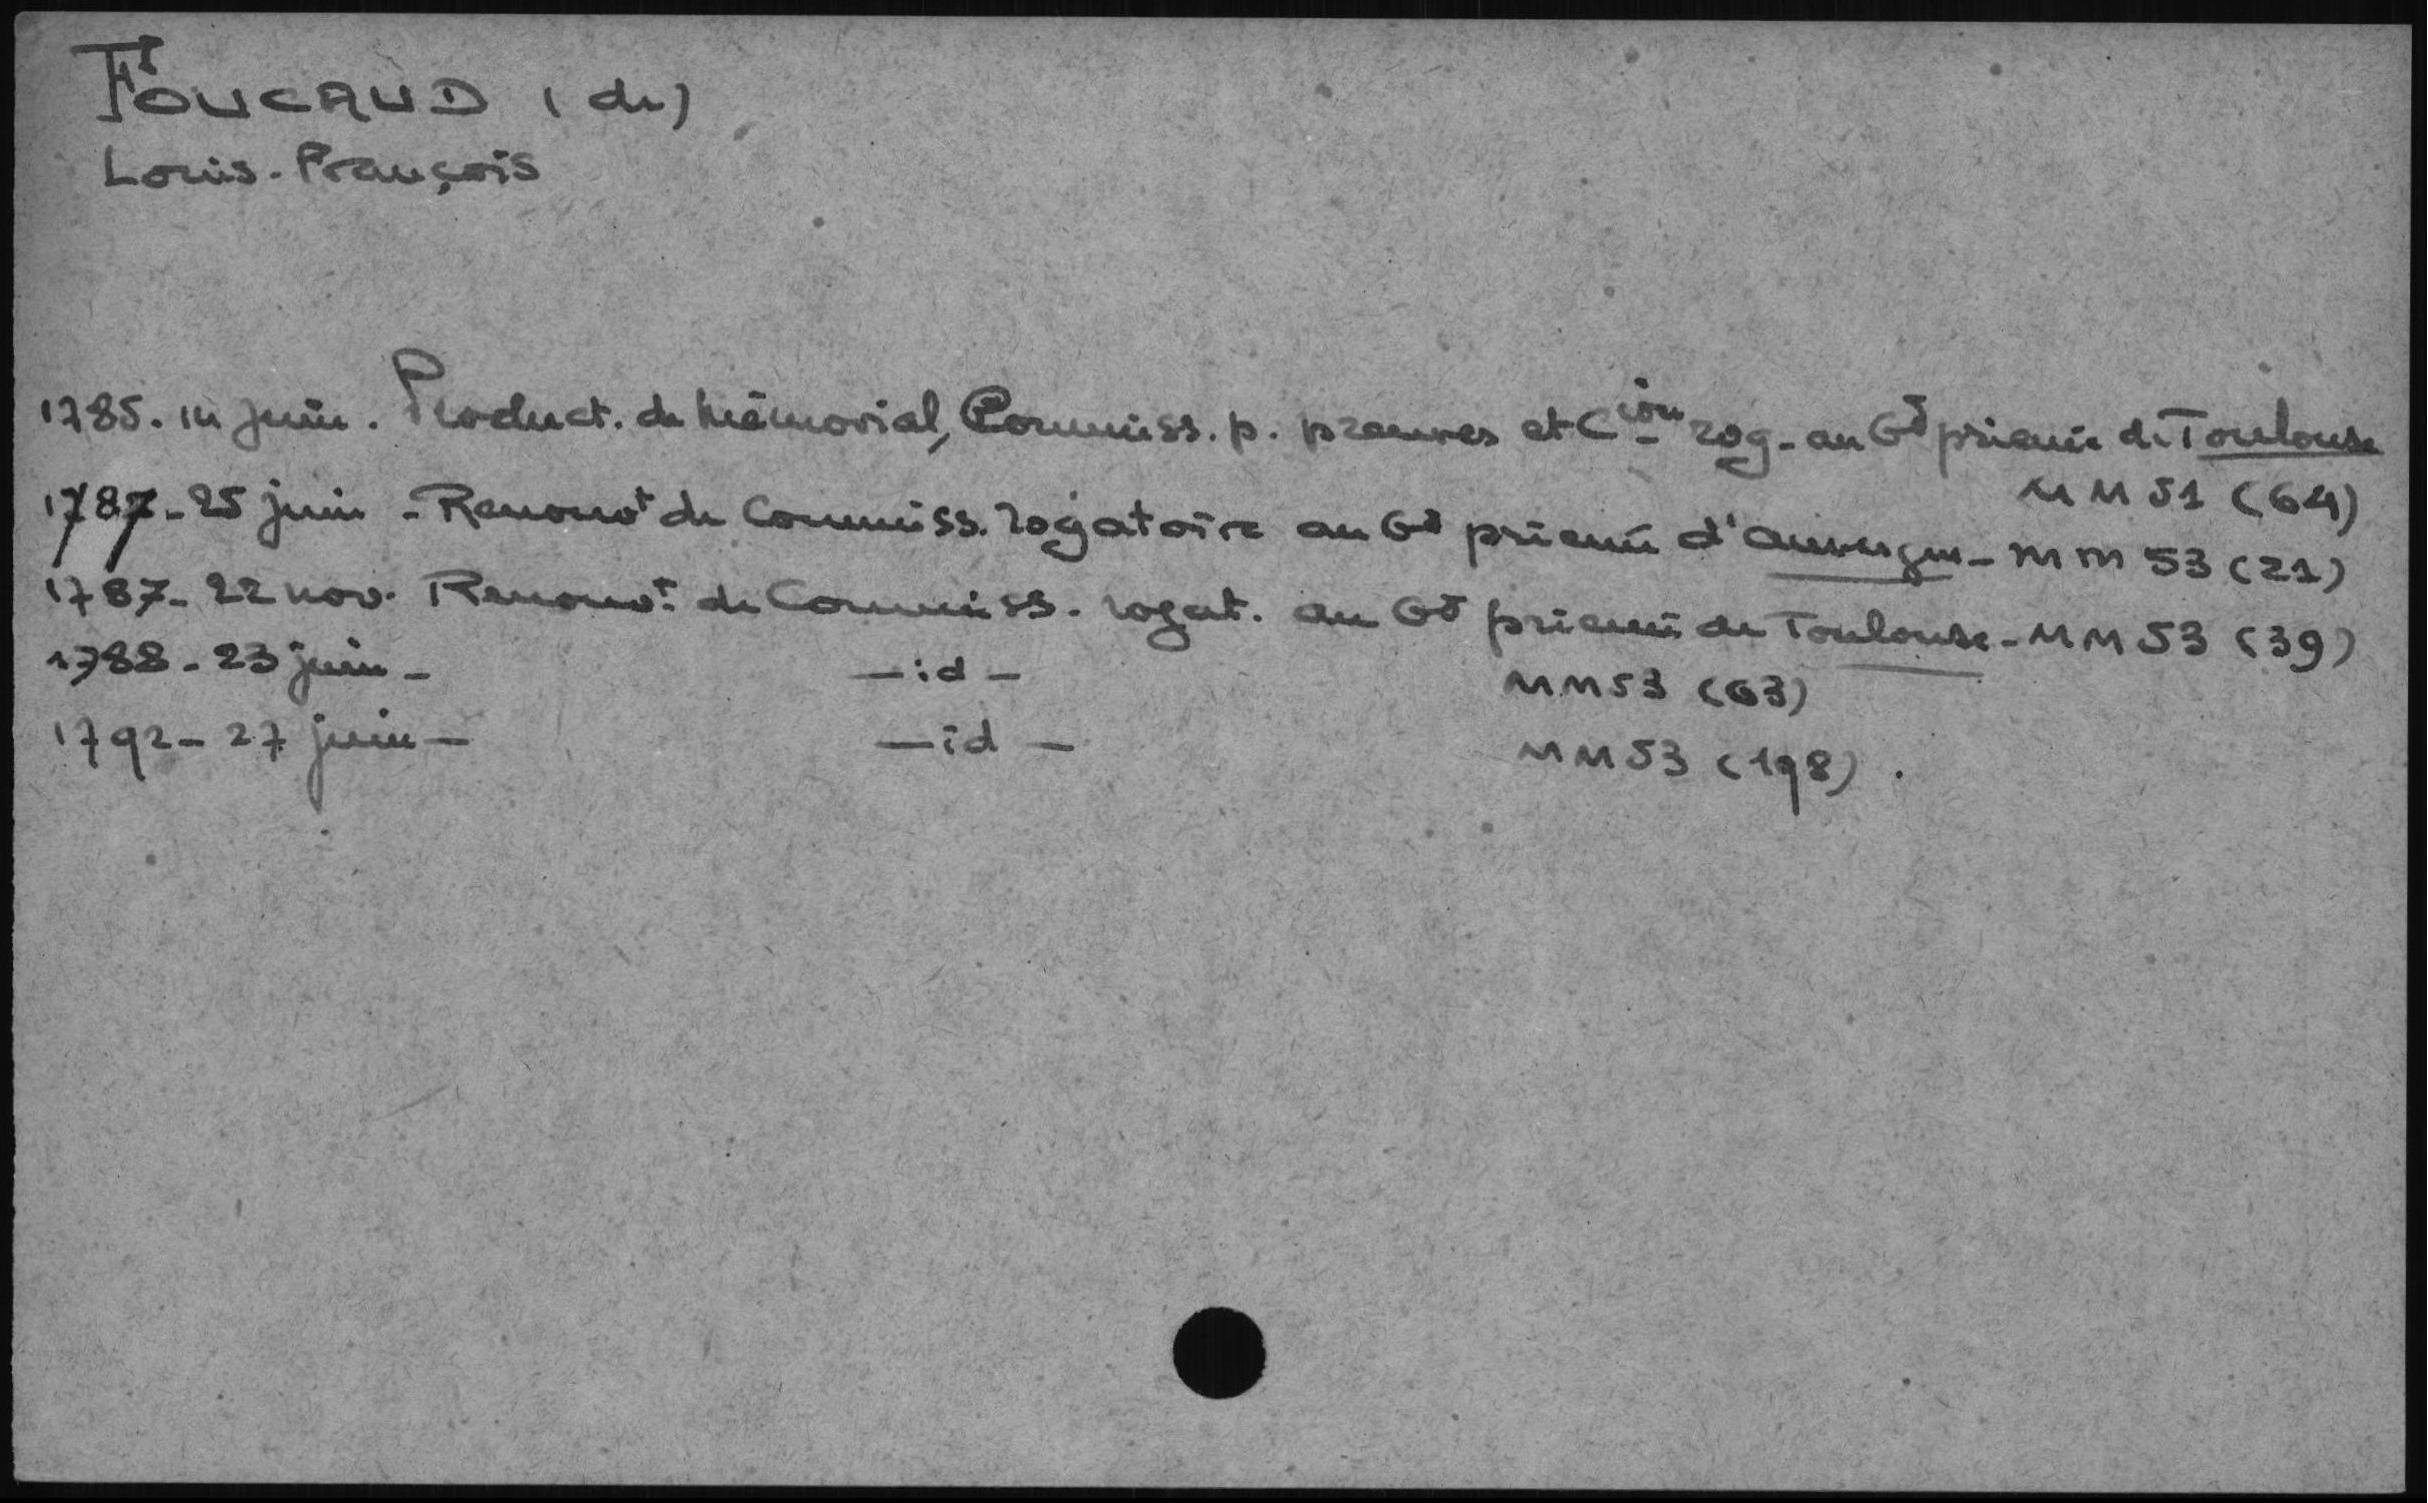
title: FOUCAUD (de) Louis-François
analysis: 1785, 14 juin. Production de mémorial, commission pour preuves et commission rogatoire au Grand Prieuré de Toulouse. MM 51 (64) 1787, 25 juin. Renouvellement de commission rogatoire au Grand Prieuré d'Auvergne. MM 53 (21) 1787, 22 novembre Renouvellement de commission rogatoire au Grand Prieuré de Toulouse. MM 53 (39) 1788, 23 juin. - idem - MM 53 (63) 1792, 27 juin. - idem - MM 53 (198)
